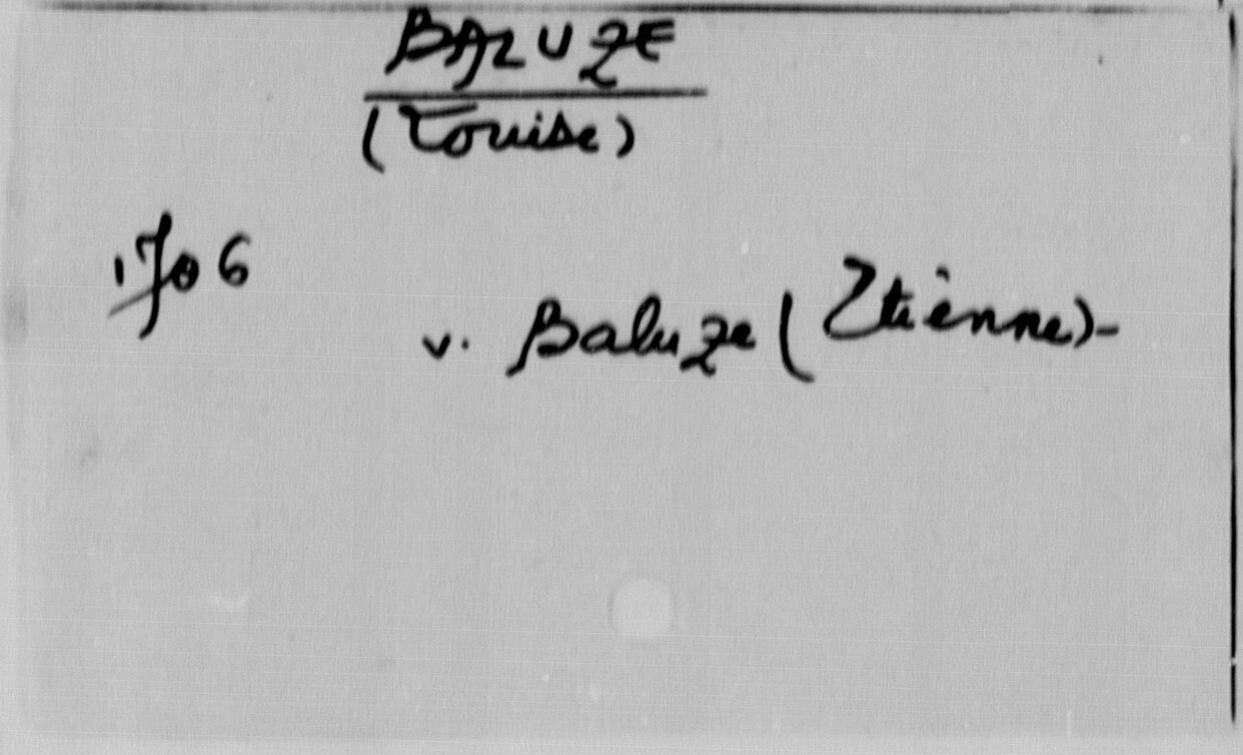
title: BALUZE (Louise)
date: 1706
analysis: Voir BALUZE (Etienne)
